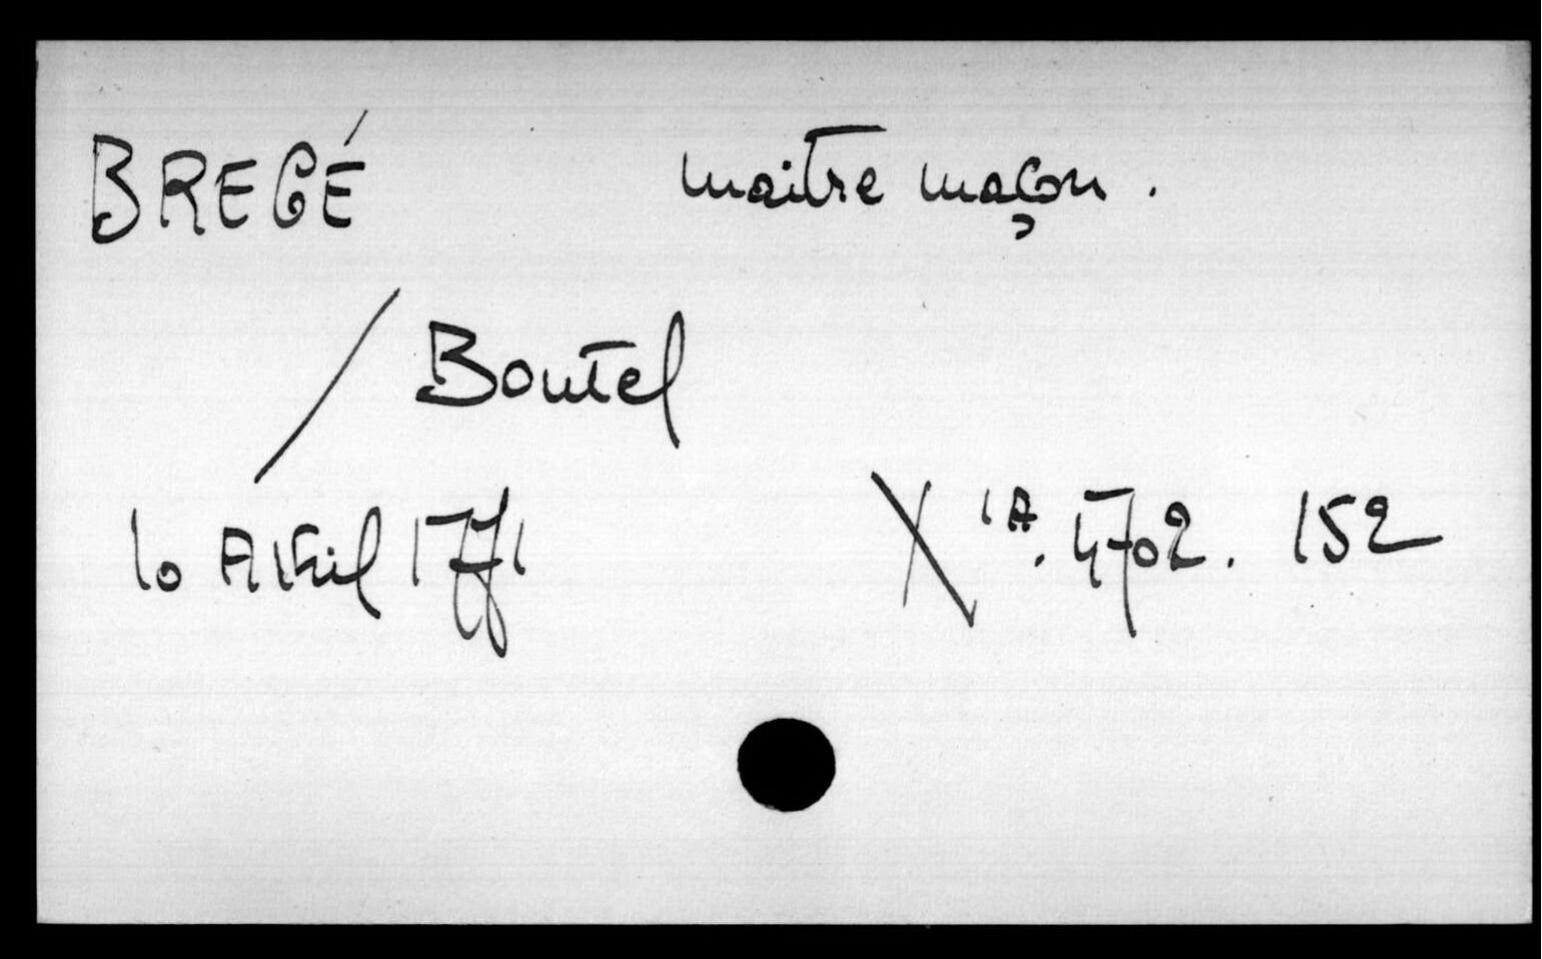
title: BREGÉ
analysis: Contre Boutel
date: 10 avril 1771
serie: X1A
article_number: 4702
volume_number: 152
